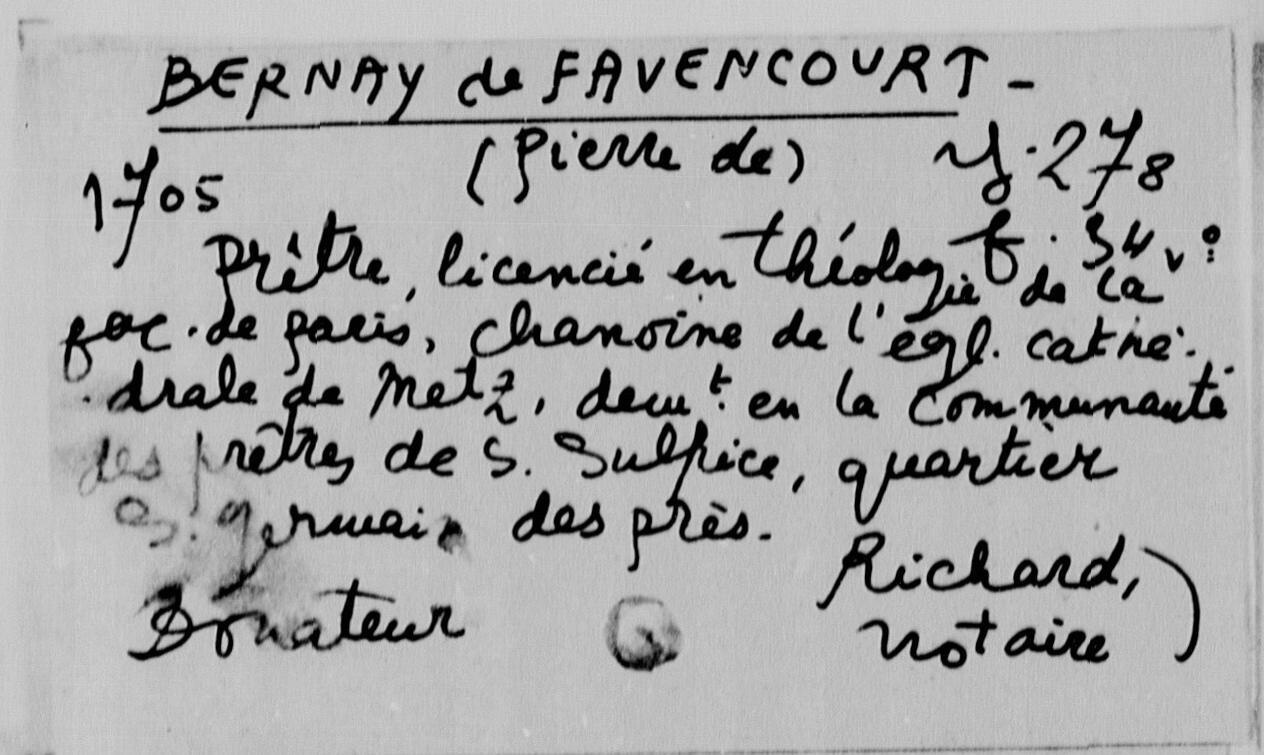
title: BERNAY de FAVENCOURT (Pierre de)
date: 1705
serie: Y
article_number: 278
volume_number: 34v
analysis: Prêtre, licencié en théologie de la faculté de Paris, chanoine de l'église cathédrale de Metz, demeurant en la communauté des prêtres de Saint-Sulpice, quartier, Saint-Germain des près. Donateur Richard, notaire
